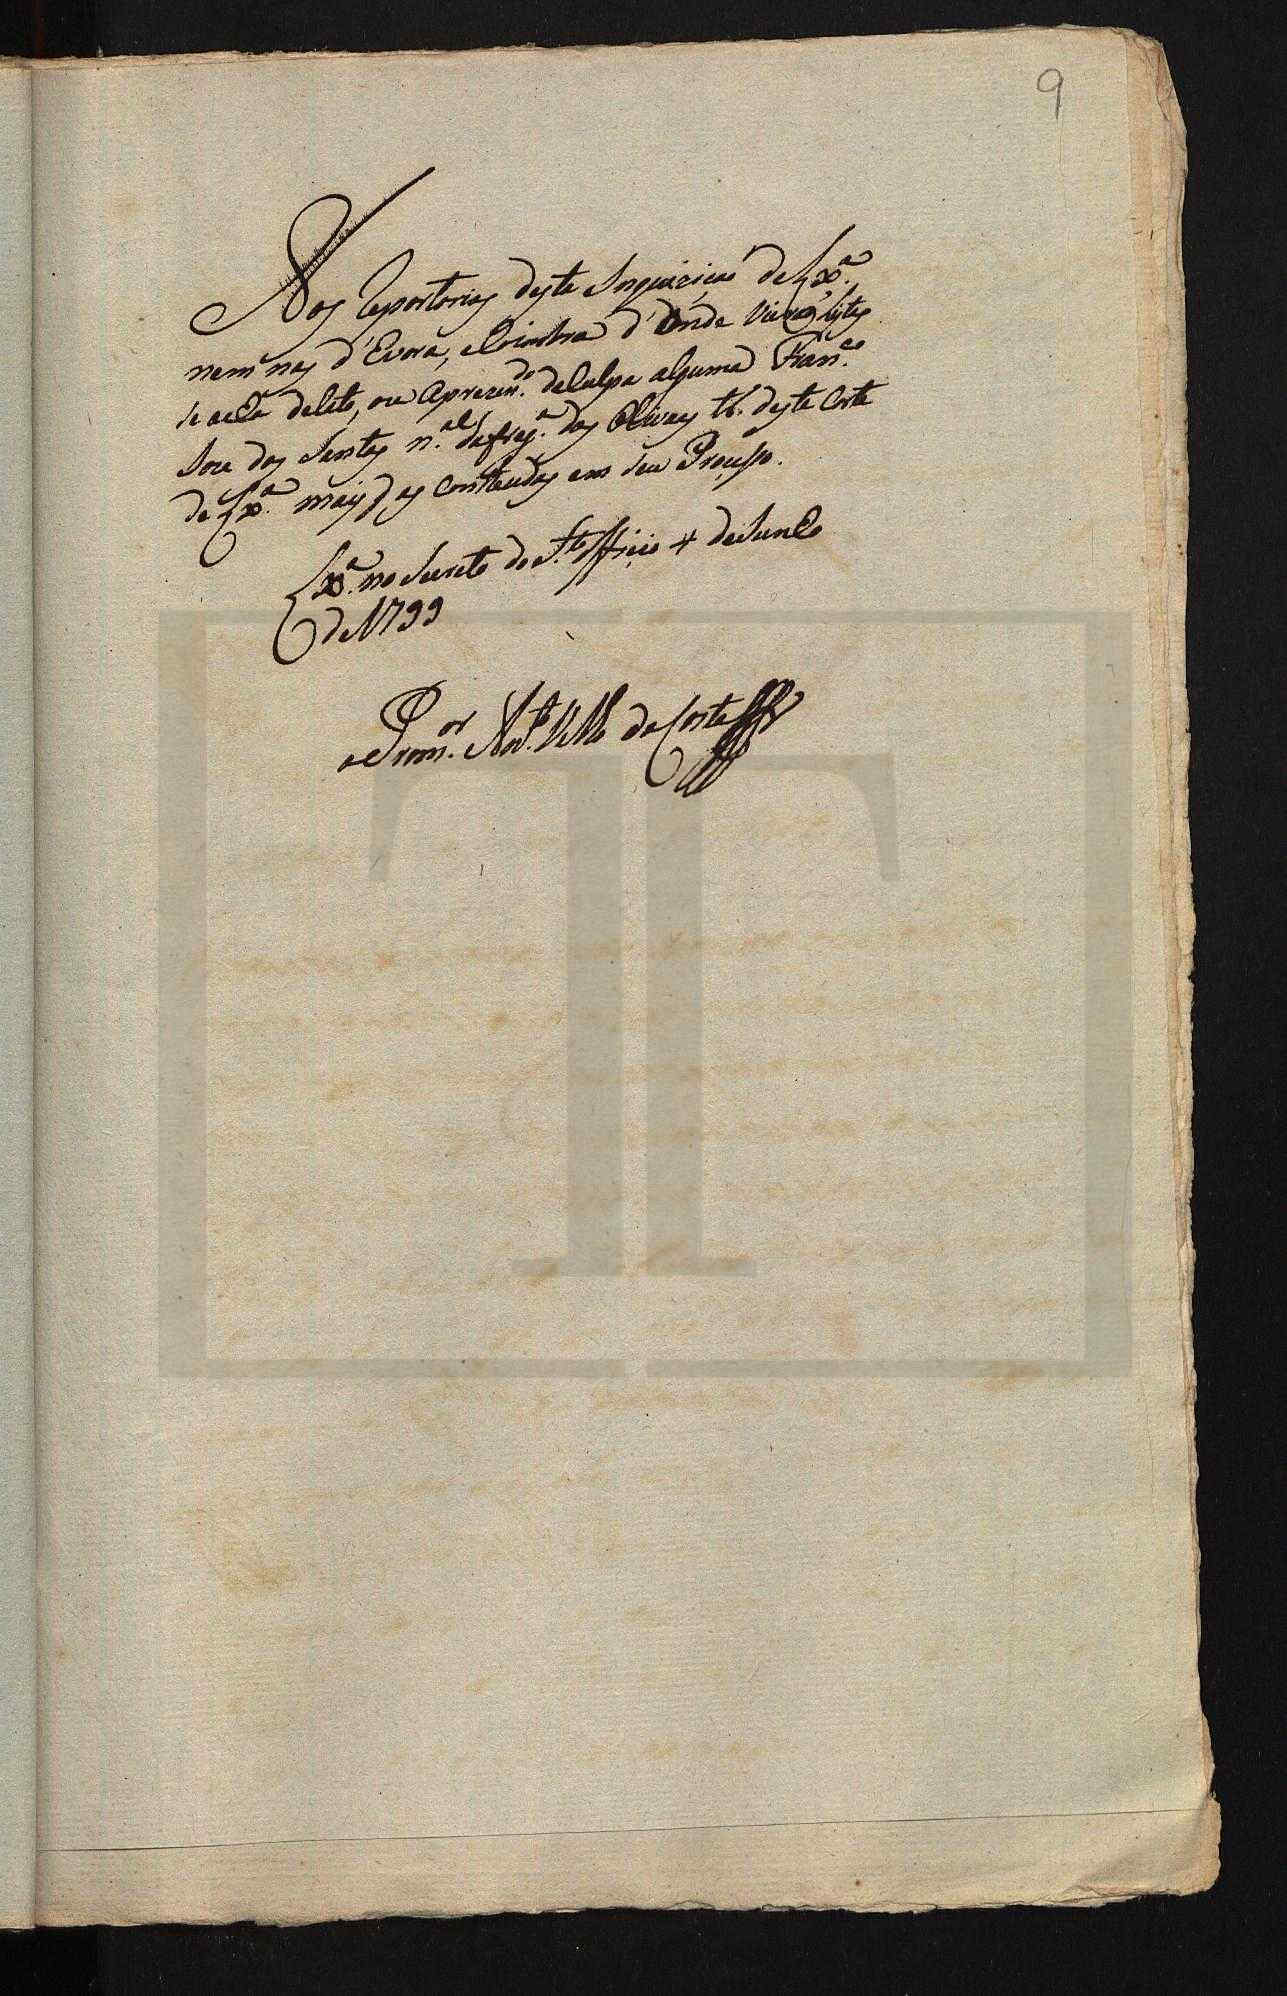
Nos Reportorios desta Inquiziçao de Lx.a
nem nos d'Evora, e Coimbra d'onde vieraõ Listas
se acha delato, ou aprezen.do de culpa alguma Fran.co
Ioze dos Santos n.al da freg.a dos Olivaes tr.o desta Corte
de Lx.a mais q̄ as contheudas em seu Proçesso.
Lx.a no Secreto do S.to offiçio 4 de Iunho
de 1799
o Prom.or Ant.o Velho da Costa
